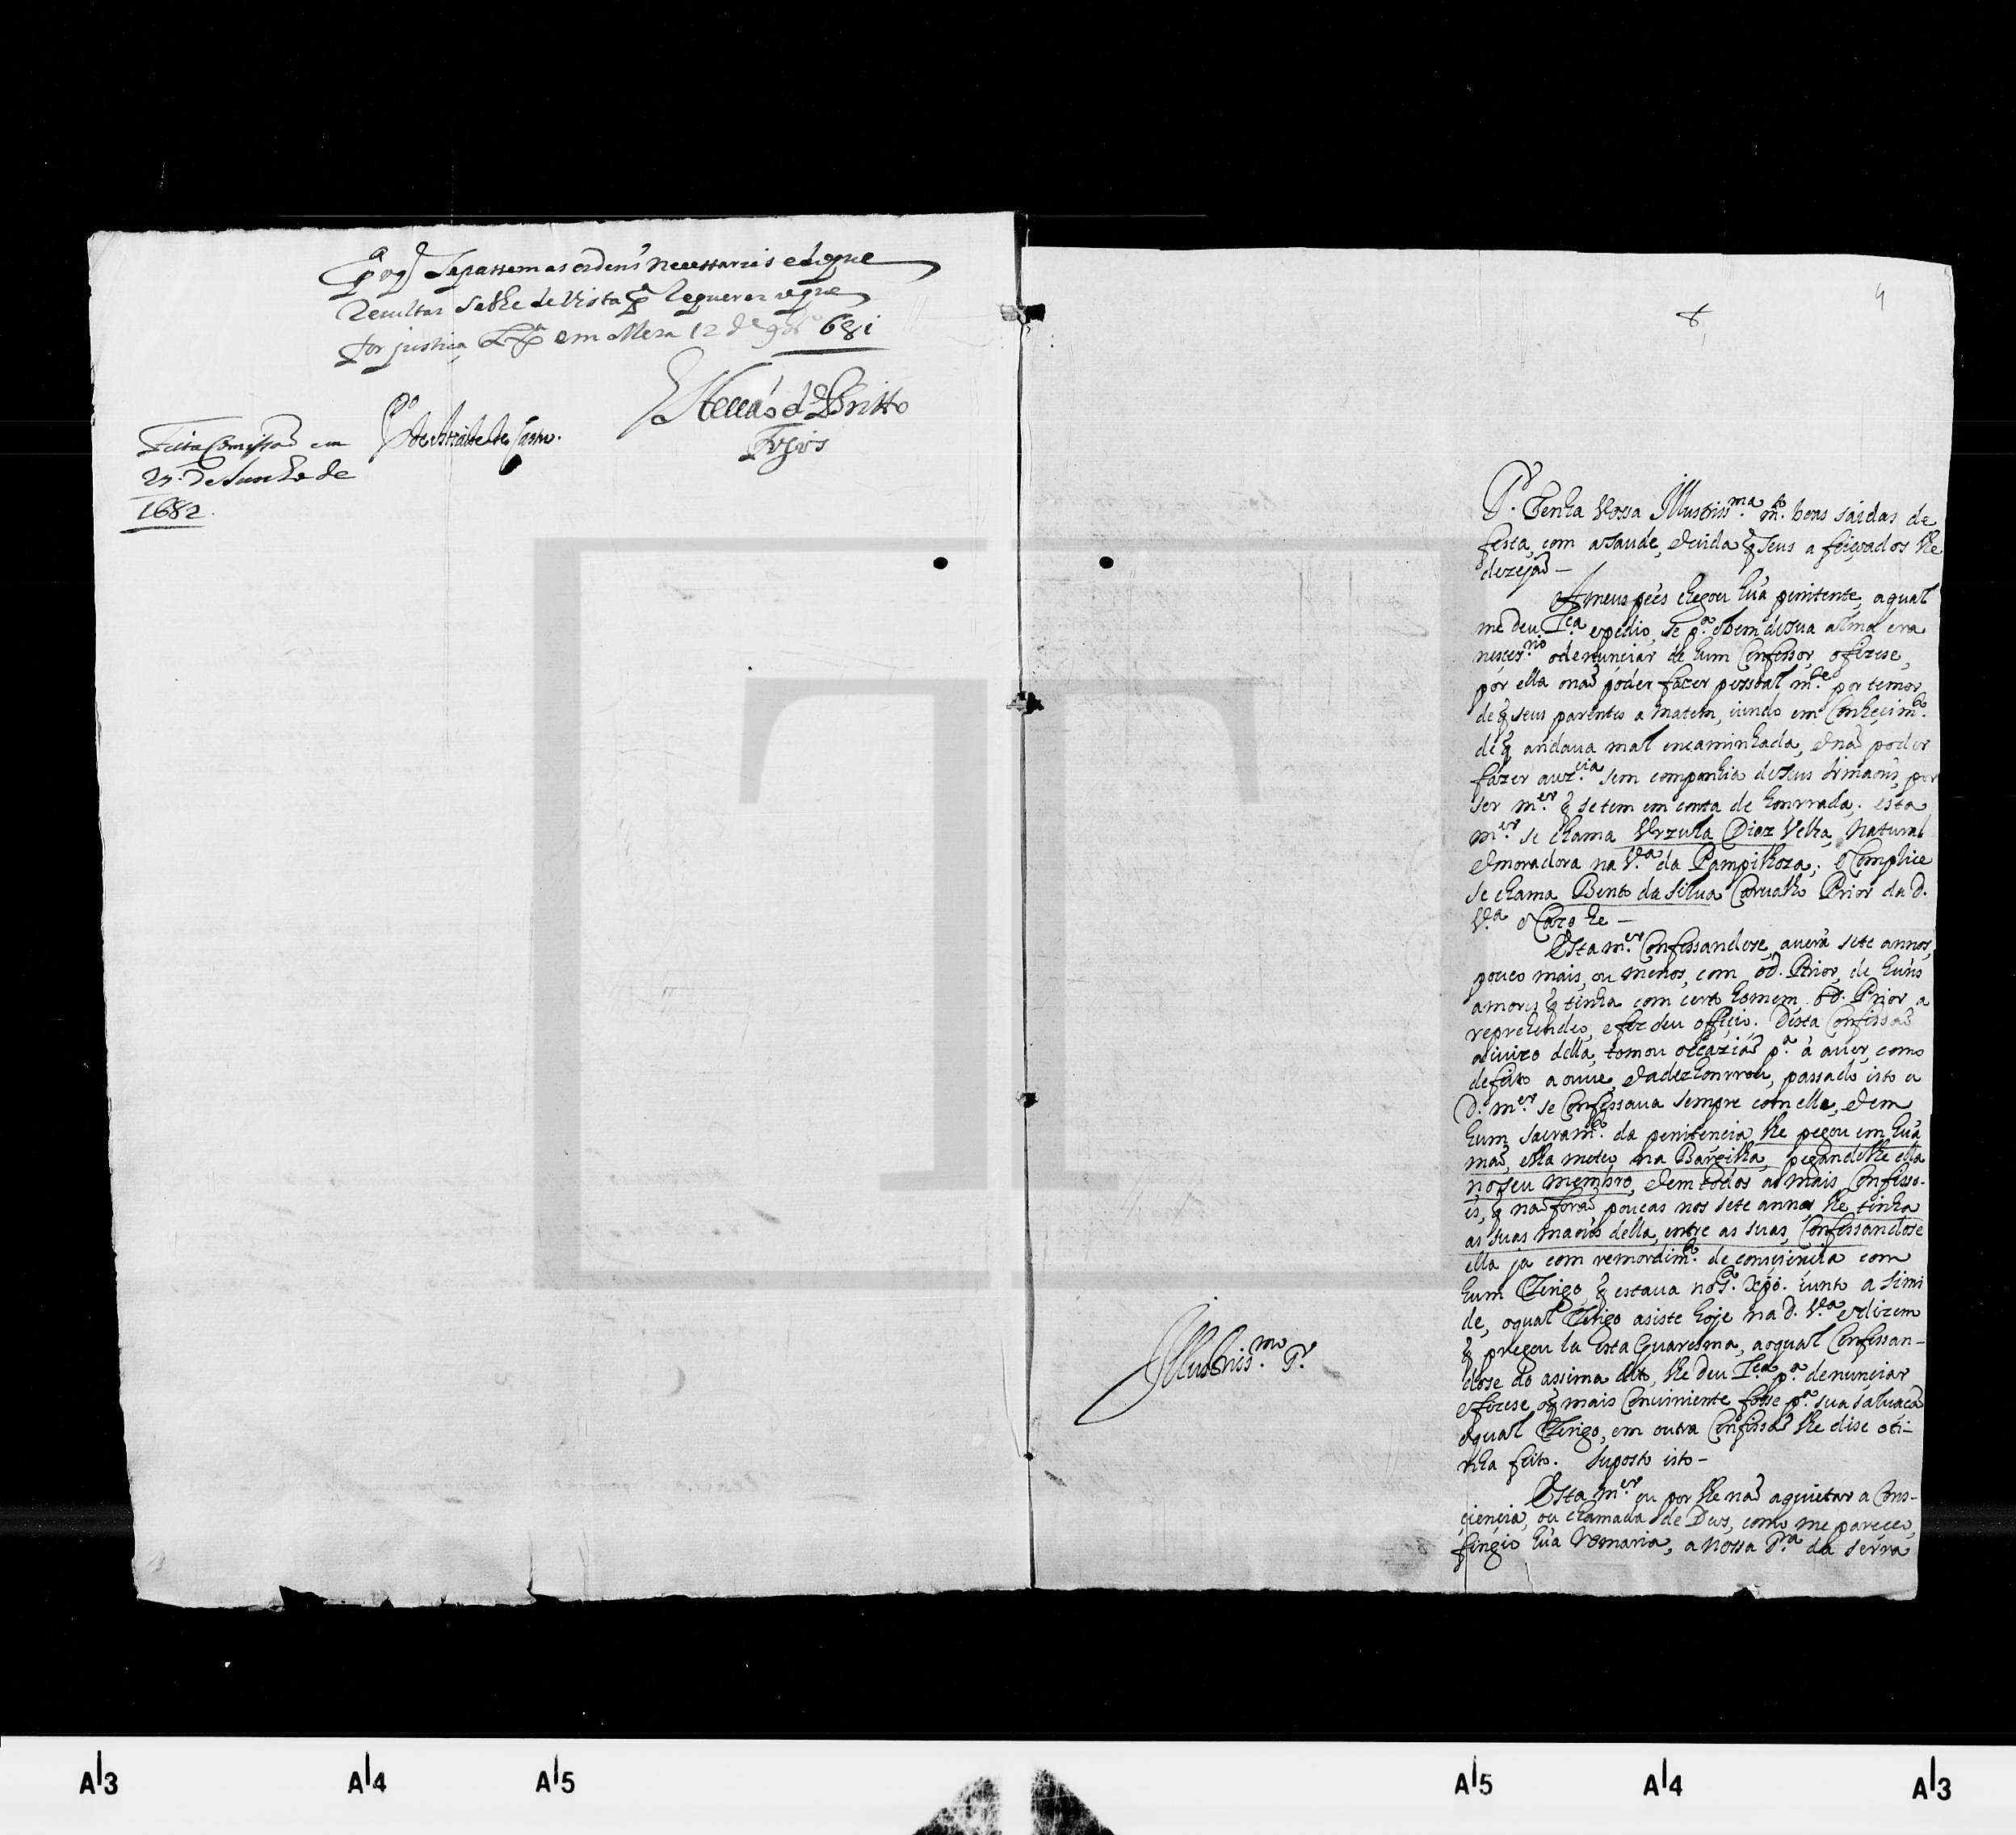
pa o q̄ se passem as ordens necessarias e do que
Resultar se lhe de vista pa Requerer o que
for justiça, Lxa em Meza 12 de 9bro 68i
Esteuaõ de Britto
Po de Attaide de Castro.
Foyos
Feita Comissaõ em
27. de Iunho de
1682.
Jllustriss.mo s.r
P.o Tenha Vossa Illustriss.ma mto. boas saidas de
festa, com a saude, e uida q̄ seus afeiçoados lhe
dezejaõ
A meus peés chegou huā penitente, a qual
me deu Lc.a e pedio, se p.a o bem de sua alma era
nescer.rio o denunciar de hum Confessor, o fizese
por ella o naõ poder fazer pessoalm.te por temor
de q̄ seus parentes a matem, uindo em Conhecimto.
de q̄ andaua mal encaminhada, e naõ poder
fazer auz.cia sem companhia de seus Irmaons, por
ser m.er q̄ se tem em conta de honrrada; esta
m.er se chama Vrzula Diaz Velha, natural
e moradora na V.a da Pampilhoza; E Complice
se chama Bento da Silua Carualho Prior da d.
V.a o Cazo he
Esta m.er Confessandose, auerá sete annos,
pouco mais, ou menos, com o d. Prior, de huns
amores q̄ tinha com certo homem, o d. Prior a
reprehendeo, e fez seu offiçio, desta Confissaõ
a iuizo della, tomou occaziaõ p.a á auer, como
de feito a ouue, e a dezhonrrou, passado isto a
d. m.er se Confessaua sempre com ella, e em
hum sacramto. da penitencia lhe pegou em hūa
maõ, ella meteo na Bargilha, pegandolhe ella
no seu membro, e em todas as mais Confisso
ẽs, q̄ naõ foraõ poucas nos sete annos, lhe tinha
as suas manōs della, entre as suas, Confessandose
ella já com remordimto. de consciencia com
hum Clerigo, q̄ estaua no sto. xpō iunto a simi
de, o qual Clerigo asiste hoje na d. V.a, e dizem
q̄ pregou la esta Quaresma, ao qual Confessan
dose do assima dito, lhe deu L.ça p.a denunciar
e fizese o q̄ mais Conuiniente fosse p.a sua saluaçaõ
o qual Clerigo, em outra Confissaõ lhe dise o ti
nha feito. Suposto isto
Esta m.er ou por lhe naõ aquietar a Cons
ciencia, ou chamada de Deos, como me pareceo,
fingio hūa Romaria, a nossa s.ra da serra
